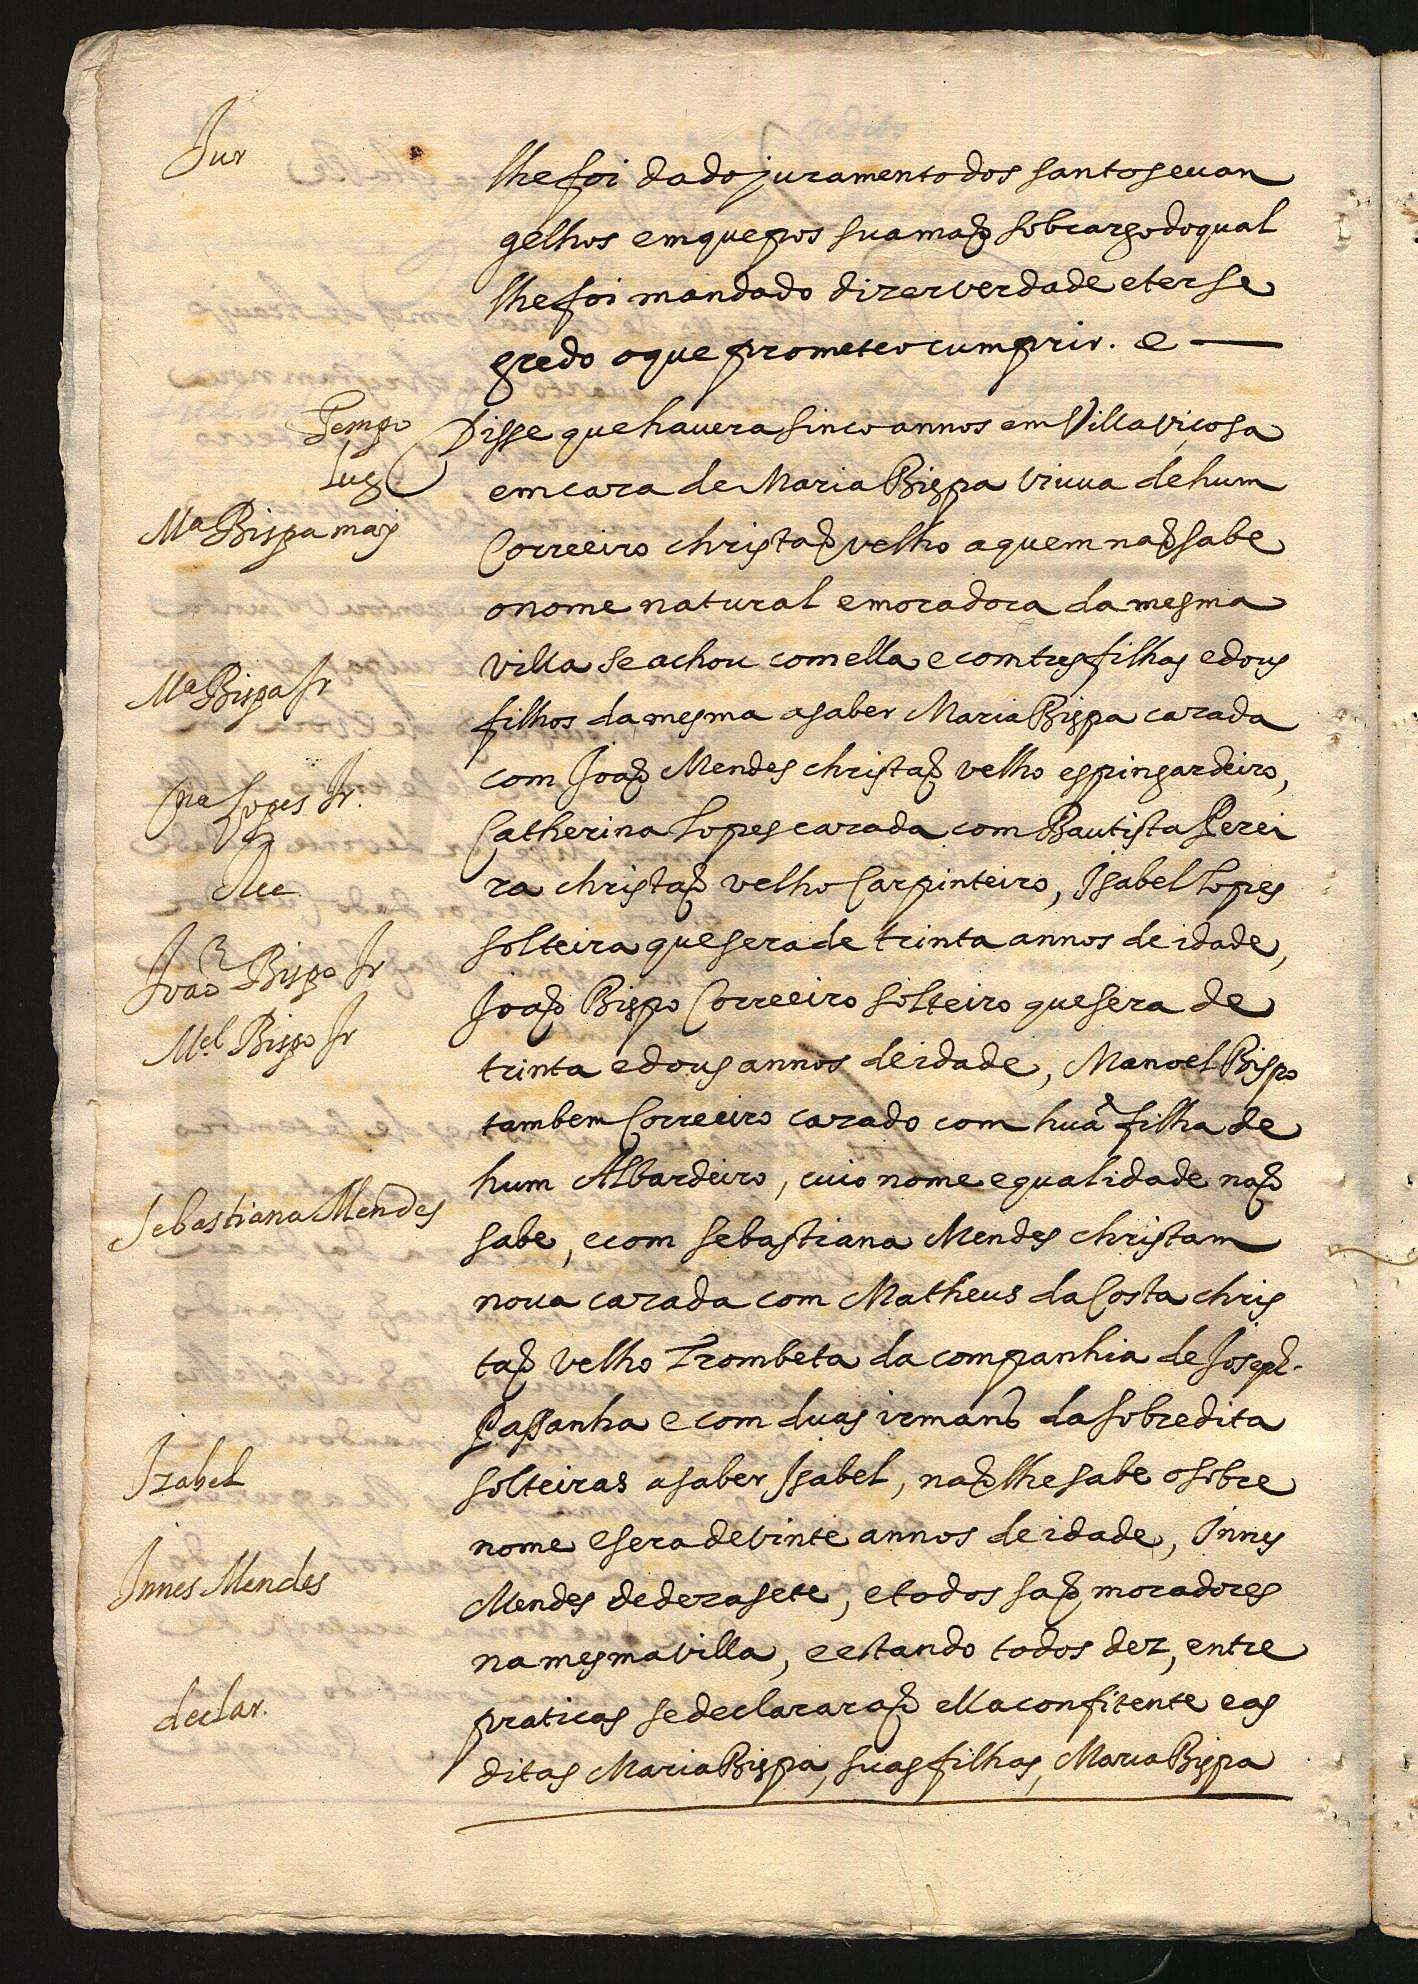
lhe foi dado juramento dos santos euan
gelhos em que pos sua maõ sob cargo do qual
lhe foi mandado dizer verdade e ter se
gredo o que prometeo cumprir. e
Disse que hauera sinco annos em Villa viçosa
em caza de Maria Bispa viuua de hum
Correeiro christaõ velho a quem naõ sabe
o nome natural e moradora da mesma
villa se achou com ella e com tres filhas e dous
filhos da mesma a saber Maria Bispa cazada
com Joaõ Mendes christaõ velho espingardeiro,
Catherina Lopes cazada com Bautista Perei
ra christaõ velho Carpinteiro, Isabel lopes
solteira que sera de trinta annos de idade,
Joaõ Bispo Correeiro solteiro que sera de
trinta e dous annos de idade, Manoel Bispo
tambem Correeiro cazado com huā filha de
hum Albardeiro, cuio nome e qualidade naõ
sabe, e com sebastiana Mendes christam
noua cazada com Matheus da Costa chris
taõ velho Trombeta da companhia de Joseph
Passanha e com duas irmans da sobredita
solteiras a saber Jsabel, naõ lhe sabe o sobre
nome e sera de vinte annos de idade, Jnnes
Mendes de dezasete, e todos saõ moradores
na mesma villa, e estando todos dez, entre
praticas se declararaõ ella confitente e as
ditas Maria Bispa, suas filhas, Maria Bispa
